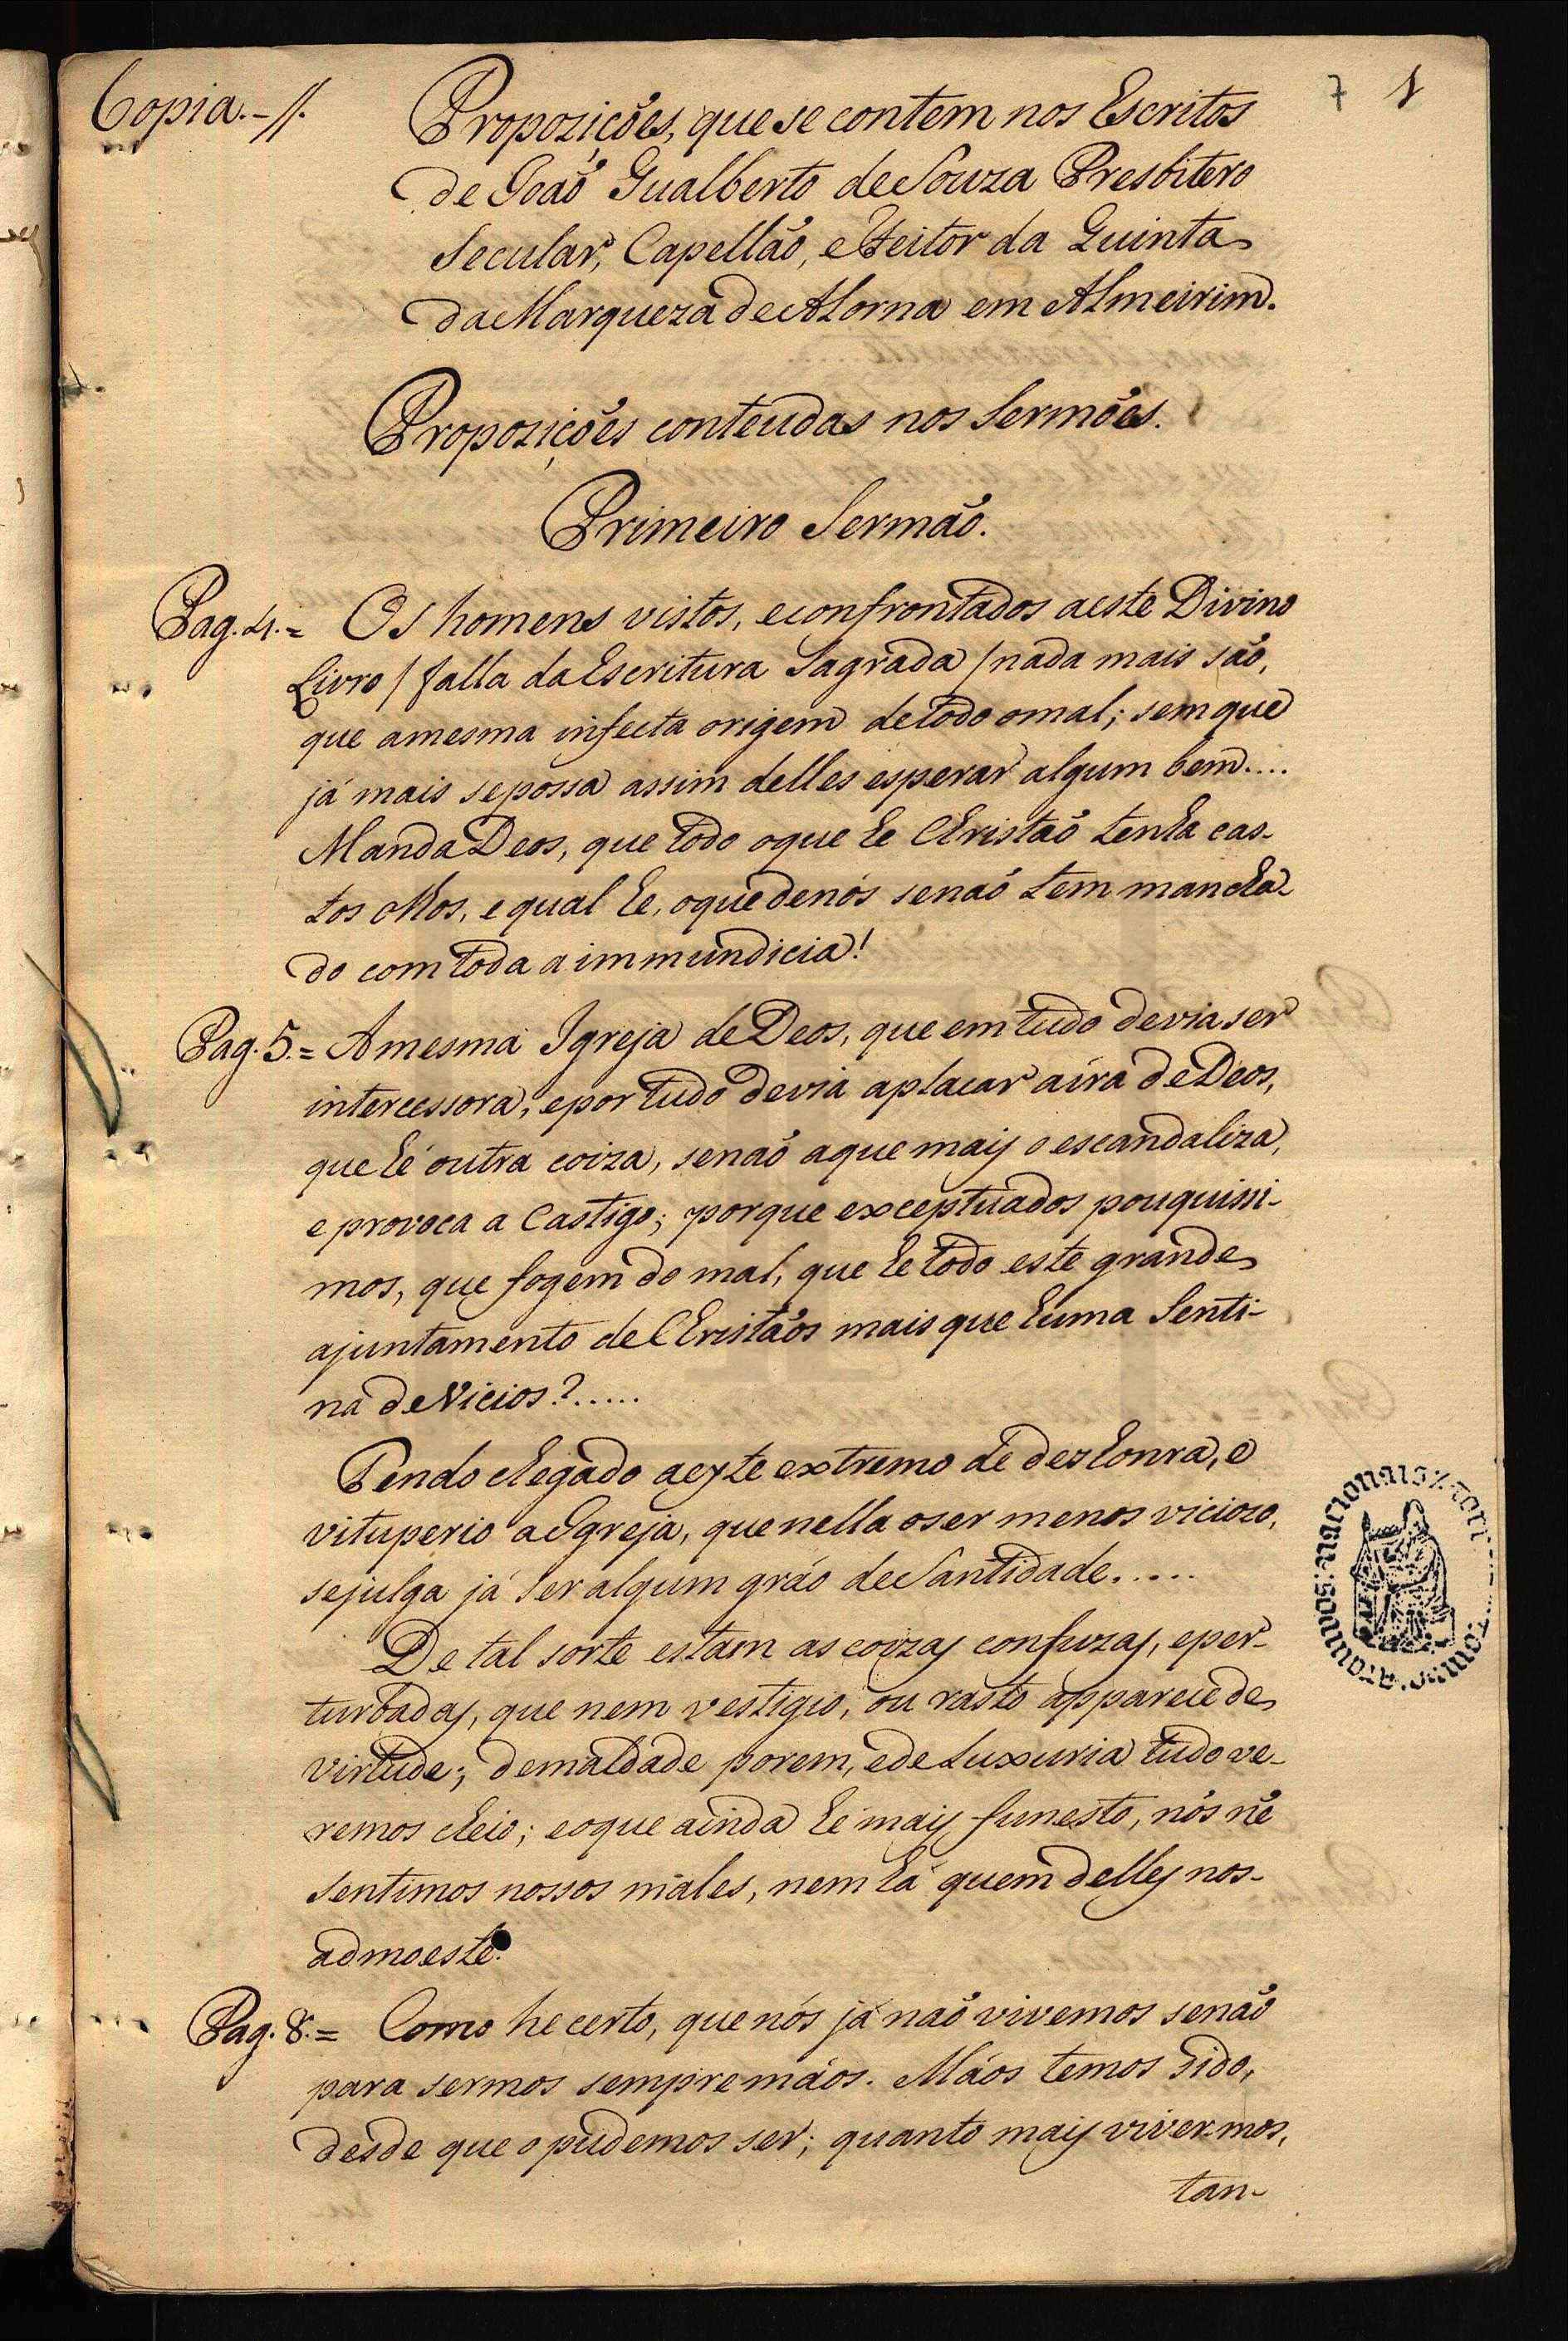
1
Copia.-//.
Propozições, que se contem nos Escritos
de Ioaõ Gualberto de Souza Presbitero
Secular, Capellaõ, e Feitor da Quinta
da Marqueza de ALorna em ALmeirim.
Propoziçoẽs conteudas nos Sermões.
Primeiro Sermaõ.
Pag.4.= Os homens vistos, e confrontados a este Divino
Livro / falla da Escritura Sagrada / nada mais saõ,
que a mesma infecta origem de todo o mal; sem que
já mais se possa assim delles esperar algum bem....
Manda Deos, que todo o que he Christaõ tenha cas
tos olhos, e qual he o que de nós senaõ tem mancha
do com toda a immundicia!
Pag. 5 = A mesma Igreja de Deos, que em tudo devia ser
intercessora, e por tudo devia aplacar a íra de Deos,
que hé outra coiza, senaõ a que mais escandaliza,
e provoca a castigo; porque exceptuados pouquissi
mos, que fogem do mal, que he todo este grande
ajuntamento de Christaõs mais que huma senti
na de Vicios?.....
Tendo chegado a este extremo de deshonra, e
vituperio a Igreja, que nella o ser menos viciozo,
sejulga já ser algum gráo de Santidade.....
De tal sorte estam as coizas confuzas, e per
turbadas, que nem vestigio, ou rastro apparece de
virtude; de maldade porem, e de Luxuria tudo ve
remos cheio; e o que ainda hé mais funesto, nós nẽ
sentimos nossos males, nem há quem delles no
admoeste.
Pag. 8. = Como he certo, que nós já naõ vivemos senaõ
para sermos sempre máos. Máos temos sido,
desde que o pudemos ser; quanto mais vivermos,
tan
